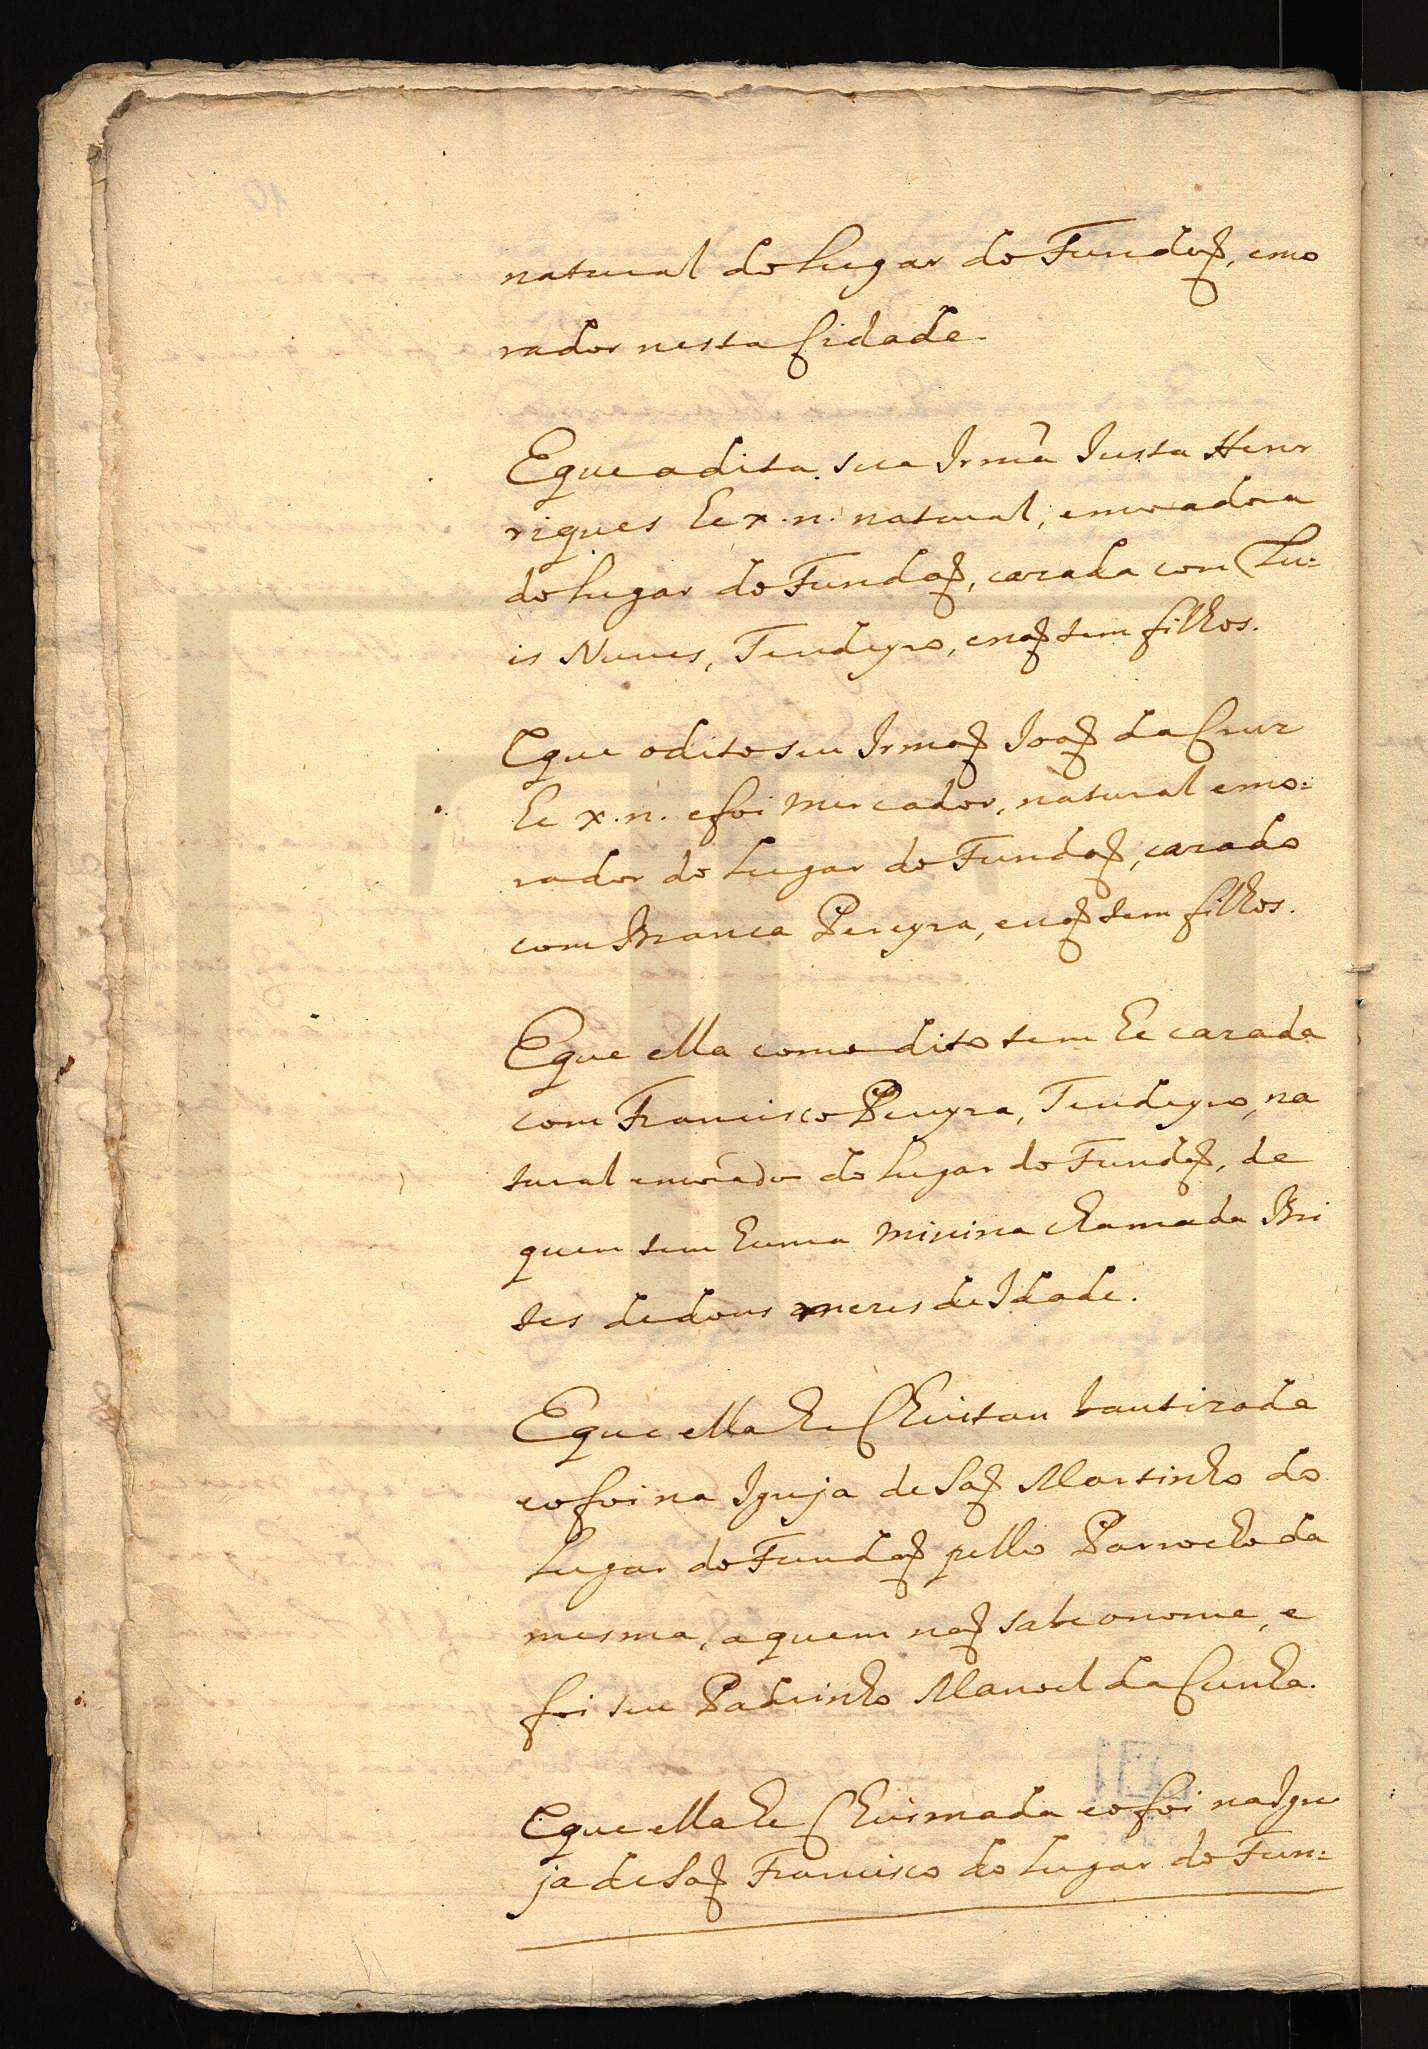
natural do Lugar do Fundaõ, e mo
rador nesta Cidade.
E que a dita sua Irmã Iusta Henr
riques he x. n. natural, e moradora
do Lugar do Fundaõ, cazada com Lu
is Nunes, Tendeyro, e naõ tem filhos.
E que o dito seu Irmaõ Ioaõ da Cruz
he x. n. e foi mercador, natural e mo
rador do Lugar do Fundaõ, cazado
com Branca Pereyra, e naõ tem filhos.
E que ella como dito tem he cazada
com Francisco Pereyra, Tendeyro, na
tural e morador do Lugar do Fundaõ, de
quem tem huma minina chamada Bri
tes de dous mezes de Idade.
E que ella he Christan bautizada
e o foi na Igreja de Saõ Martinho do
Lugar do Fundaõ pello Parrocho da
mesma, a quem naõ sabe o nome, e
foi seu Padrinho Manoel da Cunha.
E que ella he Chrismada e o foi na Igre
ja de Saõ Francisco do Lugar do Fun
